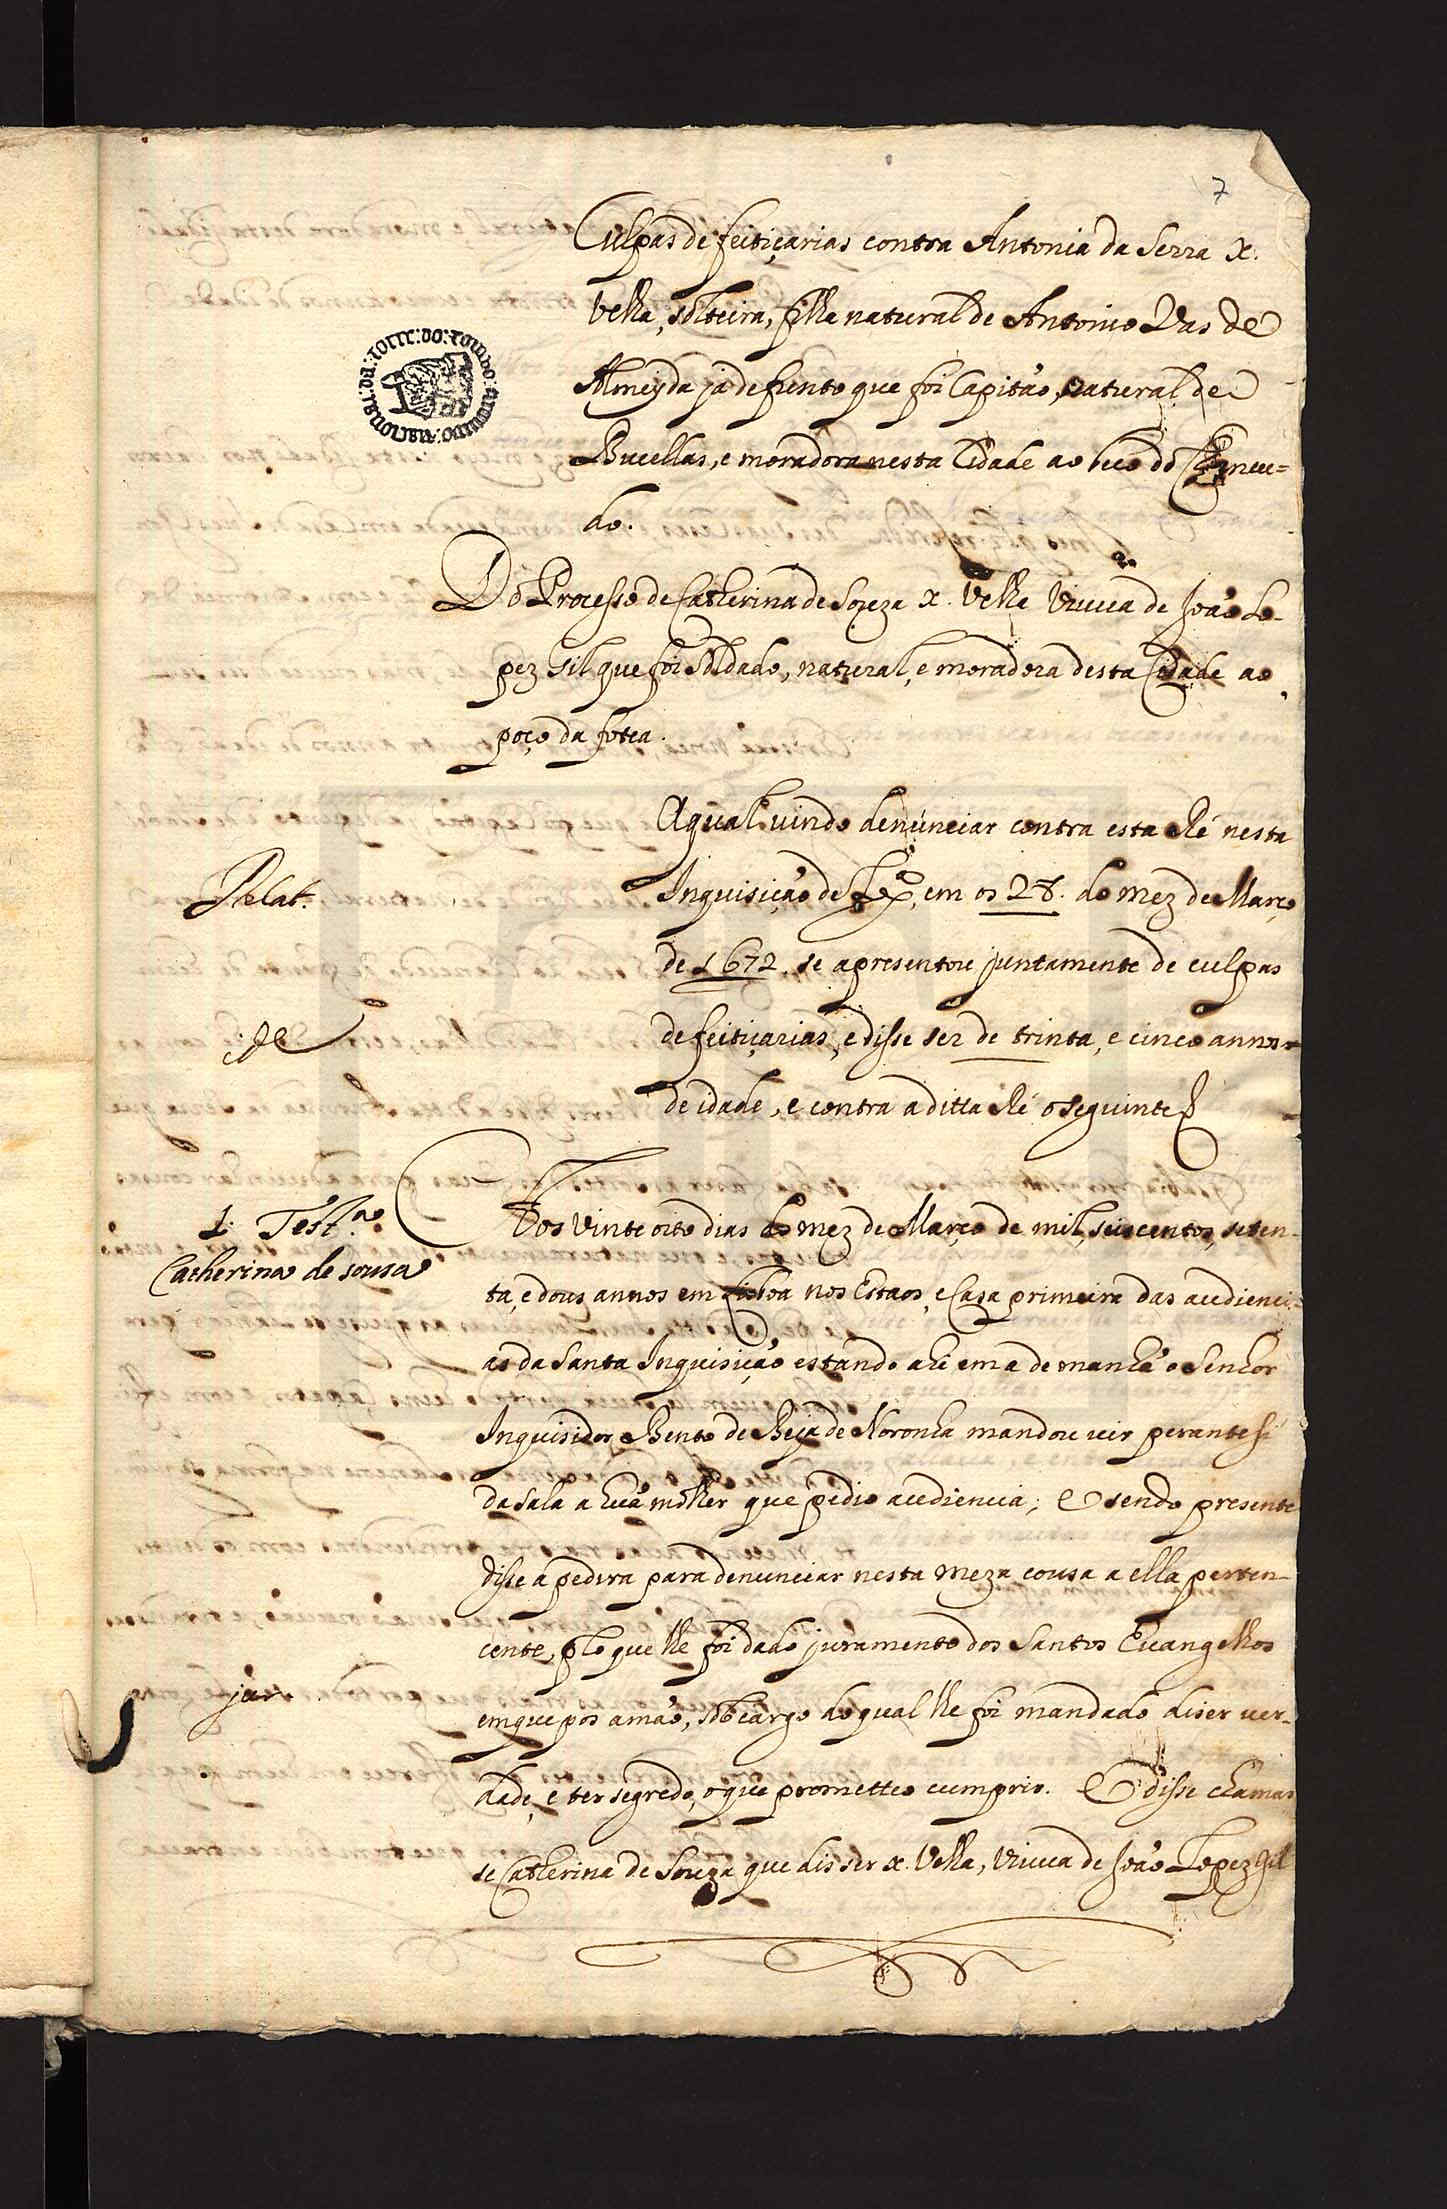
Culpas de feitiçarias contra Antonia da Serra x.
Velha, solteira, filha natural de Antonio Vas de
Almeyda já defunto que foi Capitão, natural de
Bucellas, e moradora nesta Cidade ao beco do Chancu
do.
Do Processo de Catherina de Souza x .Velha viuua de João Lo
qez Gil que foi soldado, natural, e moradora desta Cidade ao
poço da fosea.
A qual uindo denúnciar contra esta Ré nesta
Inquisição de Lx.a em os 28 do mez de Março
de 1672 se apresentou juntamente de culpas
de feitiçarias, e disse ser de trinta, e cinco annos
de idade, e contra a ditta Ré o seguinte &
Aos vinte oito dias do mez de Março de mil, seiscentos, seten
ta, e dous annos em Lisboa nos Estaos, e Casa primeira das audienci
as da Santa Inquisição estando ahi em a da manhã o Senhor
Inquisidor Bento de Beja de Noronha mandou uir perante si
da sala a huā mulher que pedio audiencia; e sendo presente
disse a pedira para denunciar nesta meza cousa a ella perten
cente, plo que lhe foi dado juramento dos Santos Euangelhos
em que pos a maõ, sob cargo do qual lhe foi mandado diser uer
dade, e ter segredo, o que prometteo cumprir. E disse chamar
se Catherina de Souza que diz ser x. Velha, viuua de João Lopez Gil
